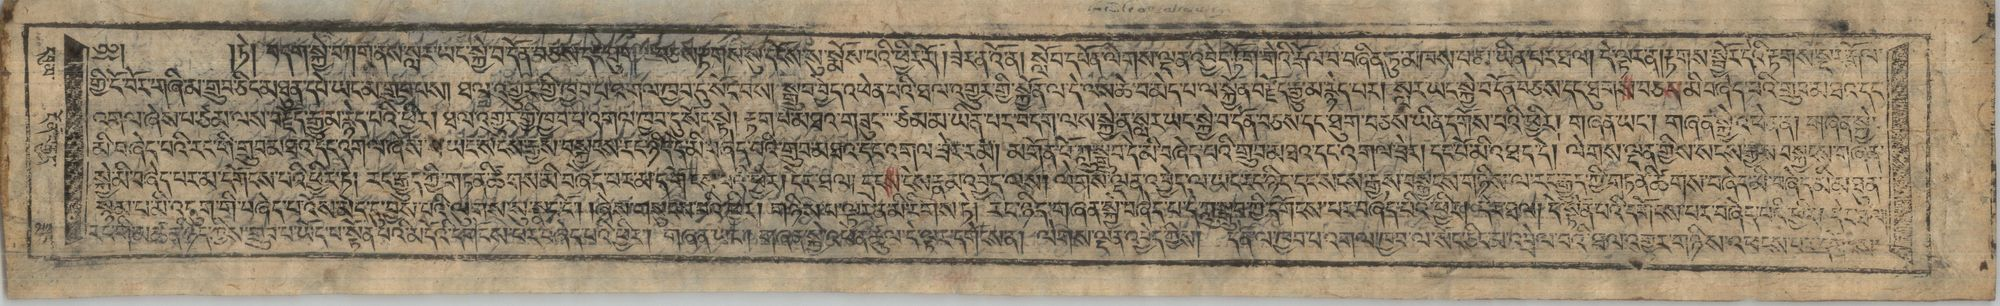༄༅། །ཏེ། བདག་སྐྱེ་བཀག་ནས་སླངྱང་སྐྱེ་བ་དོན་བཅས་དང་ཐུག་བཅས་རྟགས་སུ་དངོས་སུ་སྨོས་པའི་ཕྱིར་རོ། །ཟེར་ན་འོ་ན། སློབ་དཔོན་ལེགས་ལྡན་འབྱེད་རྟོག་གེའི་རྒོལ་བ་བཞིན་ཏུ་མཁས་པ་མ་ཡིན་པར་ཐལ། དེ་ལྟར་ན། རྟགས་སྦྱོར་དེའི་རྟགས་སྔར་རྒོལ་
གྱི་ངོ་བོར་གཞི་མ་གྲུབ་ཅིང་མཐུན་དཔེ་ཡང་མ་གྲུབ་པས། ཐལ་འགྱུར་གྱི་ཁྱབ་པ་འགལ་ཁྱབ་དུ་སོང་བས། སྒྲུབ་བྱེད་འཕེན་པའི་ཐལ་འགྱུར་གྱི་སྐྱོན་ལ་དེ་ལས་ཆེ་བ་མེད་པ་ལ་སྐྱོན་བརྗོད་རྒྱུ་མ་རྙེད་པར། སླར་ཡང་སྐྱེ་བ་དོན་བཅས་དང་ཐུག་བཅས་མི་བཞེད་པའི་གྲུབ་མཐའ་དང་
འགལ་ཞེས་པ་ཙམ་ལས་བརྗོད་རྒྱུ་མ་རྙེད་པའི་ཕྱིར། ཐལ་འགྱུར་གྱི་ཁྱབ་པ་འགལ་ཁྱབ་དུ་སོང་སྟེ། རྟག་པ་མཐའ་གཟུང་ཙམ་མ་ཡིན་པར་བདག་ལས་སྐྱེ་ན་སླར་ཡང་སྐྱེ་བ་དོན་བཅས་དང་ཐུག་བཅས་ཡིན་དགོས་པའི་ཕྱིར། གཞན་ཡང་། གཞན་སྐྱེ་འཕེན་ན། གཞན་སྐྱེ་
མི་བཞེད་པའི་རང་གི་གྲུབ་མཐའ་དང་འགལ་ཞེས་པ་ཡང་སངས་རྒྱས་བསྐྱངས་རང་ཉིད་དེ་མི་བཞེད་པའི་གྲུབ་མཐའ་དང་འགལ་ཟེར་ངམ། མགོན་པོ་ཀླུ་སྒྲུབ་དེ་མི་བཞེད་པའི་གྲུབ་མཐའ་དང་འགལ་ཟེར། དང་པོ་མི་འཐད་དེ། ལེགས་ལྡན་གྱིས་སངས་རྒྱས་བསྐྱངས་གཞན་
སྐྱེ་མི་བཞེད་པར་མ་དགོངས་པའི་ཕྱིར་ཏེ། རང་རྒྱུད་ཀྱི་གཏན་ཚིགས་མི་བཞེད་པར་མ་དགོངས་པའི་ཕྱིར། དེར་ཐལ། དྲང་ངེས་རྣམ་འབྱེད་ལས། ལེགས་ལྡན་འབྱེད་ལ་ཡང་རང་ཉིད་དང་སངས་རྒྱས་བསྐྱངས་གཉིས་ལ་རང་རྒྱུད་ཀྱི་གཏན་ཚིགས་བཞེད་མི་བཞེད་མི་མཐུན་
སྙམ་པ་མི་འདུག་གི་བཞེད་པ་འོས་མེད་དུ་བྱས་པའི་ལུགས་སུ་སྣང་ངོ། །ཞེས་གསུངས་པའི་ཕྱིར། གཉིས་པ་ལྟར་ན་མི་རིགས་ཏེ། རང་ཉིད་གཞན་སྐྱེ་བཞེད་པ་དེ་ཀླུ་སྒྲུབ་ཀྱི་དགོངས་པར་བཞེད་པའི་ཕྱིར། དེར་ཐལ། དེ་སྟོན་པའི་དགོངས་པར་བཞེད་པའི་ཕྱིར། དེར་ཐལ།
རང་གི་མཚན་ཉིད་ཀྱིས་གྲུབ་པ་ཡོད་པ་སྟོན་པའི་མདོའི་དགོངས་པར་བཞེད་པའི་ཕྱིར། གཞན་ཡང་། གཞན་སྐྱེ་འཕེན་ཚུལ་དེ་ལྟར་དགོངས་ན། ལེགས་ལྡན་འབྱེད་ཀྱིས། དོན་ལ་ཁྱབ་པ་འགལ་ཁྱབ་ལ་སོང་ཅིང་མ་འབྲེལ་བའི་ཐལ་འགྱུར་གཉིས་འཕངས་པར་དགོངས་